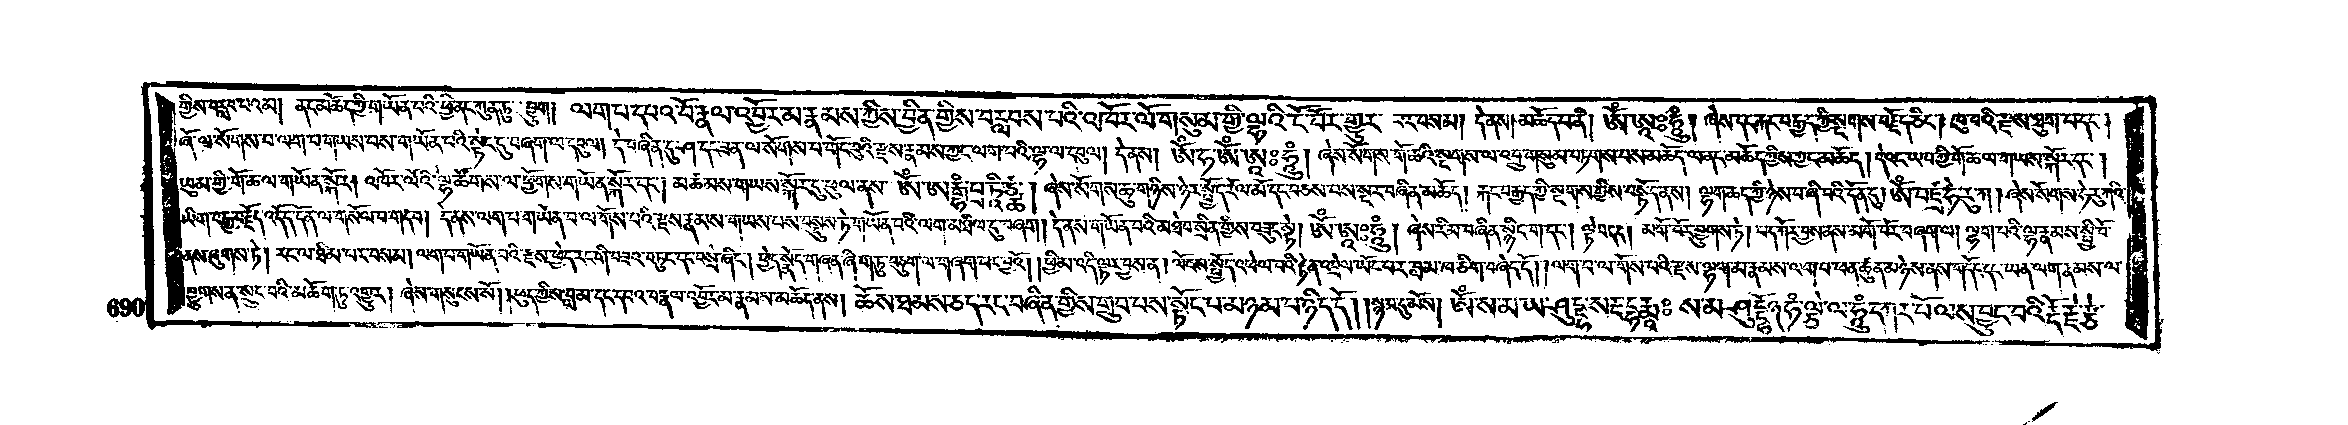གྱིས་བརླབ་པའམ། ནང་མཆོད་ཀྱི་གཡོན་པའི་ཕྱི་ནང་ཀུན་ཏུ་བྱུག། ལག་པ་དཔའ་བོ་རྣལ་འབྱོར་མ་རྣམས་ཀྱིས་བྱིན་གྱིས་བརླབས་པའི་འཁོར་ལོ་གསུམ་གྱི་ལྷའི་ངོ་བོར་གྱུར་པར་བསམ།  དེ་ནས། མཆོད་པ་ནི། ཨོཾ་ཨཱཿ ཧཱུཾ། ཞེས་དང་རྐང་བརྒྱད་ཀྱི་སྔགས་བརྗོད་ཅིང་། ཁུ་བའི་རྫས་ཐུག་པ་དང་།
ཞོ་ལ་སོགས་པ་ལག་པ་གཡས་པས་གཡོན་པའི་སྟེང་དུ་བཞག་ལ་དབུལ། དེ་བཞིན་དུ་ཤ་དང་ཟན་ལ་སོགས་པ་གོང་བུའི་རྫས་རྣམས་ཀྱང་ལག་པའི་ལྷ་ལ་དབུལ། དེ་ནས། ཨོཾ་ཧ་ཨོཾ་ཨཱཿ ཧཱུཾ། ཞེས་སོགས་གོ་ཆའི་སྔགས་ལ་འབྲུ་གསུམ་བཏགས་པས་མཆོད་ལ་ནང་མཆོད་ཀྱིས་ཀྱང་མཆོད། དེའང་ཡབ་ཀྱི་གོ་ཆ་ལ་གཡས་སྐོར་དང་།
ཡུམ་གྱི་གོ་ཆ་ལ་གཡོན་སྐོར། འཁོར་ལོའི་ལྷ་ཚོགས་ལ་ཕྱོགས་གཡོན་སྐོར་དང་། མཚམས་གཡས་སྐོར་དུ་ཕུལ་ནས་ཨོཾ་ཨརྒྷཾ་པྲ་ཏཱི་ཙྪ། ཞེས་སོགས་ཆུ་གཉིས་ཉེར་སྤྱོད་རོལ་མོ་དང་བཅས་པས་སྔར་བཞིན་མཆོད། རྐང་བརྒྱད་ཀྱི་སྔགས་ཀྱིས་བསྟོད་ནས། ལྷག་ཆད་ཀྱི་ཉེས་པ་ཞི་བའི་དོན་དུ།  ཨོཾ་བཛྲ་ཧེ་རུ་ཀ། ཞེས་སོགས་ཧེ་རུ་ཀའི་
ཡིག་བརྒྱ་བརྗོད་འདོད་དོན་ལ་གསོལ་བ་གདབ། དེ་ནས་ལག་པ་གཡོན་པ་ལ་གོས་པའི་རྫས་རྣམས་གཡས་པས་བསྡུས་ཏེ་གཡོན་པའི་ལག་མཐིལ་དུ་བཞག །དེ་ནས་གཡོན་པའི་མཐེབ་སྲིན་གྱིས་བཟུང་སྟེ། ཨོཾ་ཨཱཿ ཧཱུཾ། ཞེས་རིམ་བཞིན་སྙིང་ག་དང་། ལྟེ་བ་དང་། མགོ་བོར་བྱུགས་ཏེ། པད་ཀོར་བྱས་ནས་མགོ་བོར་བཞག་ལ། ལྷག་པའི་ལྷ་རྣམས་སྤྱི་བོ་
ནས་ཞུགས་ཏེ། རང་ལ་ཐིམ་པར་བསམ། ལག་པ་གཡོན་པའི་རྫས་ཕྱེད་རང་གི་བཟའ་བཏུང་དང་བསྲེ་ཞིང་། ཕྱེད་སྣོད་གཞན་ཞིག་ཏུ་བཅུག་ལ་གཞག་པར་བྱའོ། །ཕྱི་མ་འདི་ལྟར་བྱས་ན། ལོངས་སྤྱོད་འཕེལ་བའི་རྟེན་འབྲེལ་ཡོང་པར་བླ་མ་ཁ་ཅིག་བཞེད་དོ། །ལག་པ་ལ་གོས་པའི་རྫས་ལྷག་མ་རྣམས་ལག་པ་ཕན་ཚུན་མཉེས་ནས་གདོང་དང་ཡན་ལག་རྣམས་ལ་
བྱུག་ན་སྲུང་བའི་མཆོག་ཏུ་འགྱུར། ཞེས་གསུངས་སོ། །ཕུད་ཀྱིས་བླ་མ་དང་དཔའ་བོ་རྣལ་འབྱོར་མ་རྣམས་མཆོད་ནས། ཆོས་ཐམས་ཅད་རང་བཞིན་གྱིས་གྲུབ་པས་སྟོང་པ་མཉམ་པ་ཉིད་དོ། ། སྙམ་དུ་མོས།  ཨོཾ་ས་མ་ཡ་ཤུདྡྷ་སརྦ་དྷརྨཱཿ ས་མ་ཤུདྡྷོཉཧཾ་ལྕེ་ལ་ཧཱུཾ་དཀར་པོ་ལས་བྱུང་བའི་རྡོ་རྗེ་རྩེ་